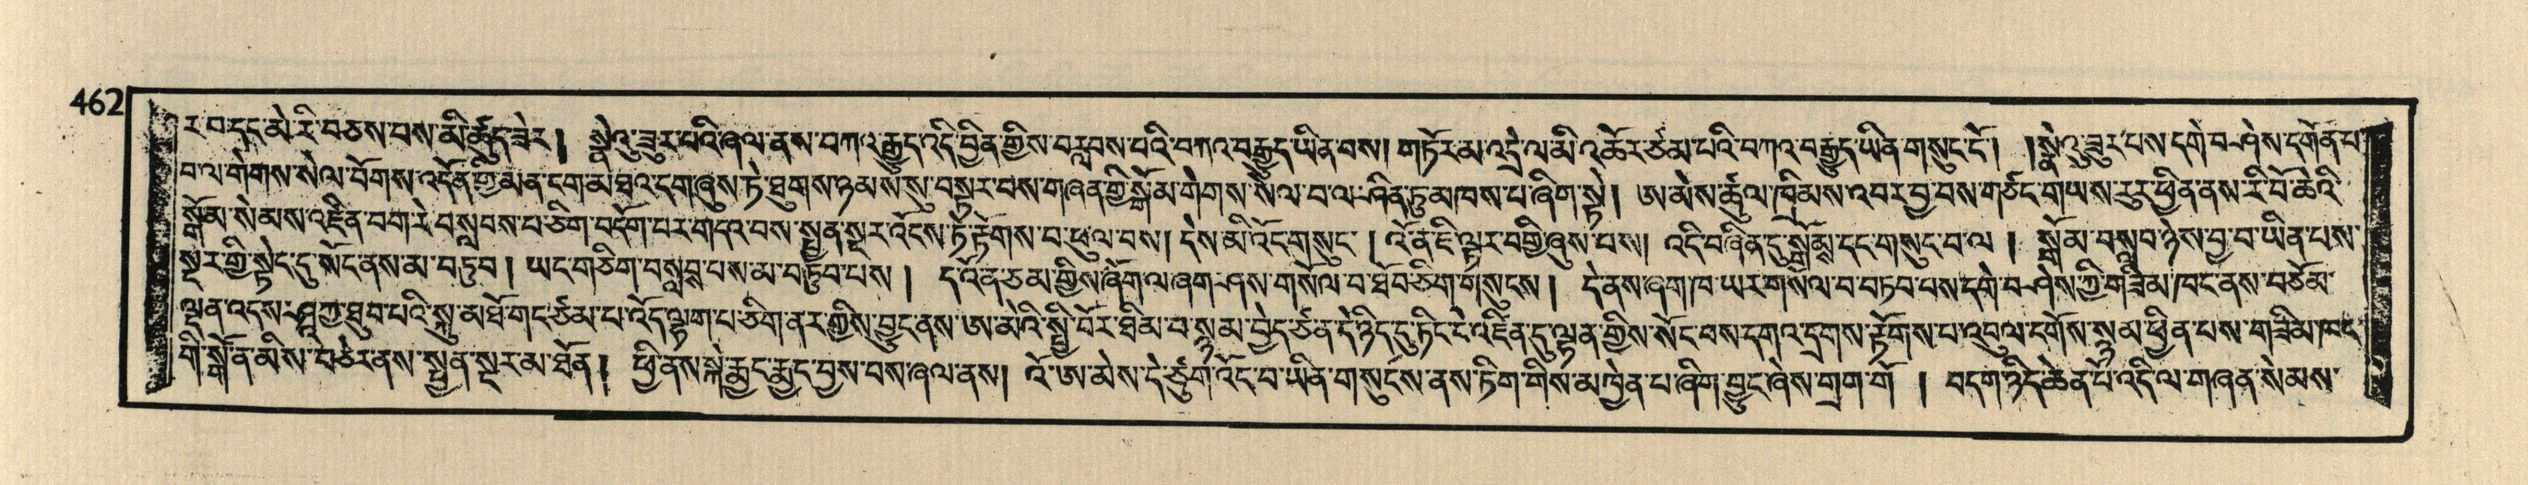རབ་དང་མེ་རི་བཅས་པས་མི་ཚུད་ཟེར། སྣེའུ་ཟུར་པའི་ཞལ་ནས་བཀའ་རྒྱུད་འདི་བྱིན་གྱིས་བརླབས་པའི་བཀའ་བརྒྱུད་ཡིན་པས། གཏོར་མ་འདྲེ་ལ་མི་འཆོར་ཙམ་པའི་བཀའ་བརྒྱུད་ཡིན་གསུང་ངོ། །སྣེའུ་ཟུར་པས་དགེ་བཤེས་དགོན་པ་
བ་ལ་གེགས་སེལ་བོགས་འདོན་གྱི་མན་ངག་མཐའ་དག་ཞུས་ཏེ་ཐུགས་ཉམས་སུ་བསྟར་བས་གཞན་གྱི་སྒོམ་གེགས་སེལ་བ་ལ་ཤིན་ཏུ་མཁས་པ་ཞིག་སྟེ། ཨ་མེས་ཚུལ་ཁྲིམས་འབར་བྱ་བས་གཙང་གཡས་རུར་ཕྱིན་ནས་རི་བོ་ཆེའི་
སྒོམ་སེམས་འཛིན་བག་རེ་བསླབས་པ་ཅིག་བདོག་པར་གདའ་བས་སྤྱན་སྔར་འོངས་ཏེ་རྟོགས་པ་ཕུལ་བས། དེས་མི་འོང་གསུང་།འོ་ན་ཇི་ལྟར་བགྱི་ཞུས་པས། འདི་བཞིན་དུ་སྒོམས་དང་གསུང་བ་ལ། སྒོམ་བསླབ་ཉེས་བྱ་བ་ཡིན་པས་
སྔར་གྱི་སྟེང་དུ་སོང་ནས་མ་བཏུབ། ཡང་གཅིག་བསླབས་པས་མ་བཏུབ་པས། ད་འོན་ཙམ་གྱིས་ཞོག་ལ་ཞག་ཤས་གསོལ་བ་ཐོབ་ཅིག་གསུངས། དེ་ནས་ཞག་ཁ་ཡར་གསོལ་བ་བཏབ་པས་དགེ་བཤེས་ཀྱི་གཟིམ་ཁང་ནས་བཅོམ་
ལྡན་འདས་ཤཱཀྱ་ཐུབ་པའི་སྐུ་མཐོ་གང་ཙམ་པ་འོད་ལྷག་པ་ཅིག་ནར་གྱིས་བྱུང་ནས་ཨ་མེའི་སྤྱི་བོར་ཐིམ་བ་སྙམ་བྱེད་ཙ་ན་དེ་ཉིད་དུ་ཏིང་ངེ་འཛིན་དུ་ལྷན་གྱིས་སོང་བས་དགའ་དྲགས་རྟོགས་པ་འབུལ་དགོས་སྙམ་ཕྱིན་པས་གཟིམ་ཁང་
གི་སྒོ་ན་མིས་བཅེར་ནས་སྤྱན་སྔར་མ་ཐོན། ཕྱི་ནས་སྐེ་རྨྱང་རྨྱང་བྱས་བས་ཞལ་ནས། འོ་ཨ་མེས་དེ་ཙུག་འོང་བ་ཡིན་གསུངས་ནས་ཏིག་གིས་མཁྱེན་པ་ཞིག་བྱུང་ཞེས་གྲག་གོ །བདག་ཉིད་ཆེན་པོ་འདི་ལ་གཞན་སེམས་